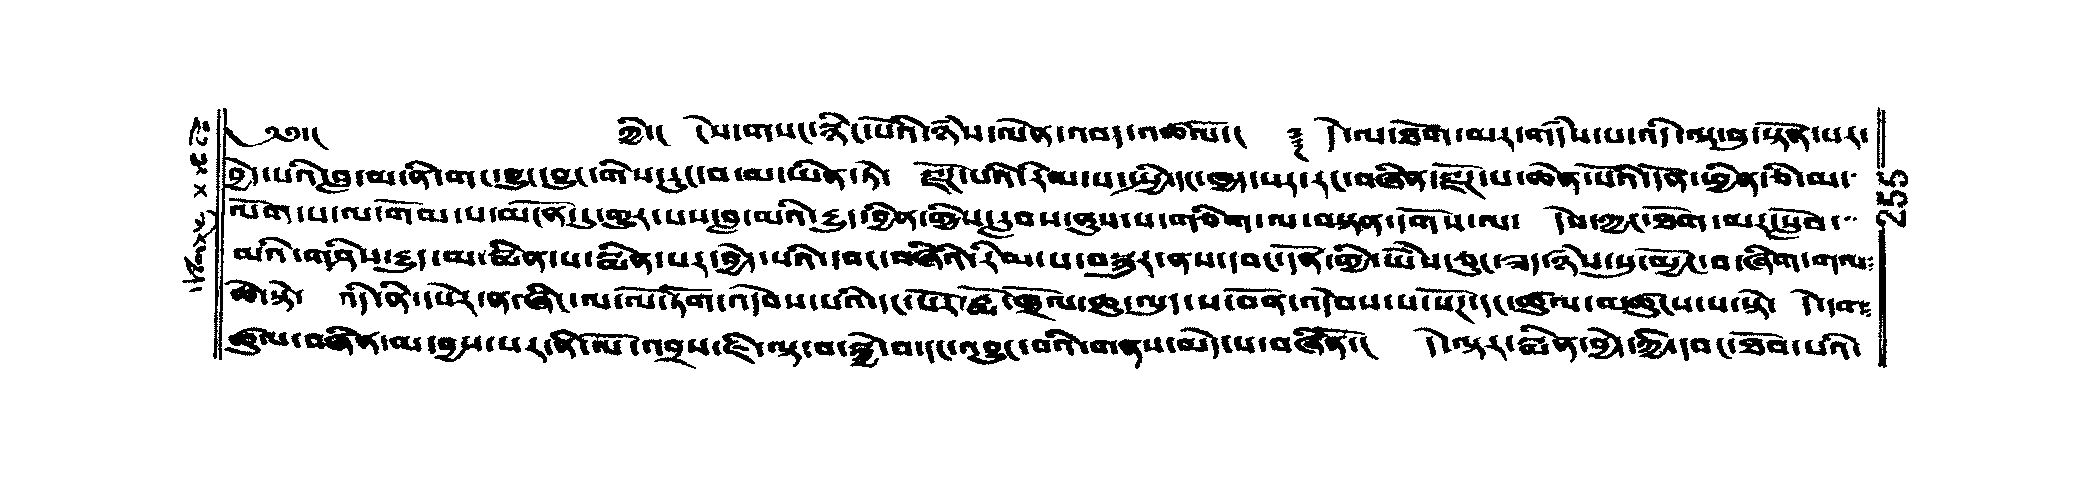ཀྱི། །ངེས་གསང་སྙིང་པོའི་ཉམས་ལེན་འབད་འཚལ་ལོ། ༈ དེ་ལ་ཐོག་མར་གདམས་པ་འདི་ལྟ་བུ་སྟོན་པར་
བྱེད་པའི་བླ་མ་ནི་གང་བྱུང་བྱུང་གིས་རུང་བ་མ་ཡིན་ཏེ། རྫོགས་པའི་རིམ་པ་སྤྱི་དང་ཁྱད་པར་རང་བཞིན་རྫོགས་པ་ཆེན་པོའི་དོན་ཕྱིན་ཅི་མ་
ལོག་པ་ལ་གོམ་པ་མངོན་དུ་གྱུར་པས་སློབ་མའི་རྒྱུད་བྱིན་གྱིས་བརླབ་ནུས་པ་གཅིག་ལ་བསྟན་དགོས་ལ། དེས་ཀྱང་ཐོག་མར་སློབ་
མའི་གཤིས་རྒྱུད་མ་སྨིན་པ་སྨིན་པར་བྱེད་པའི་དབང་བཞིའི་རིམ་པ་བསྐུར་ནས་དབང་དོན་གྱི་ཡེ་ཤེས་ཅུང་ཟད་ཉམས་སུ་མྱོང་བ་ཞིག་གལ་
ཆེ་སྟེ། འདི་ནི་དཔེར་ན་ཞིང་ལ་ལོ་ཏོག་འདེབས་པའི་དང་པོར་རྨོ་ཁྲོལ་ཆུ་ལུད་ས་བོན་འདེབས་པ་སོགས་དང་ཚུལ་མཚུངས་པ་སྟེ། དེ་དག་
ཚུལ་བཞིན་མ་བྱས་པར་ནི་ལོ་འབྲས་ཇི་ལྟ་བ་སྐྱེ་བ་དང་འབྱུང་བའི་གནས་མེད་པ་བཞིན་ནོ། དེ་ལྟར་སྨིན་བྱེད་ཀྱི་དབང་ཐོབ་པའི་